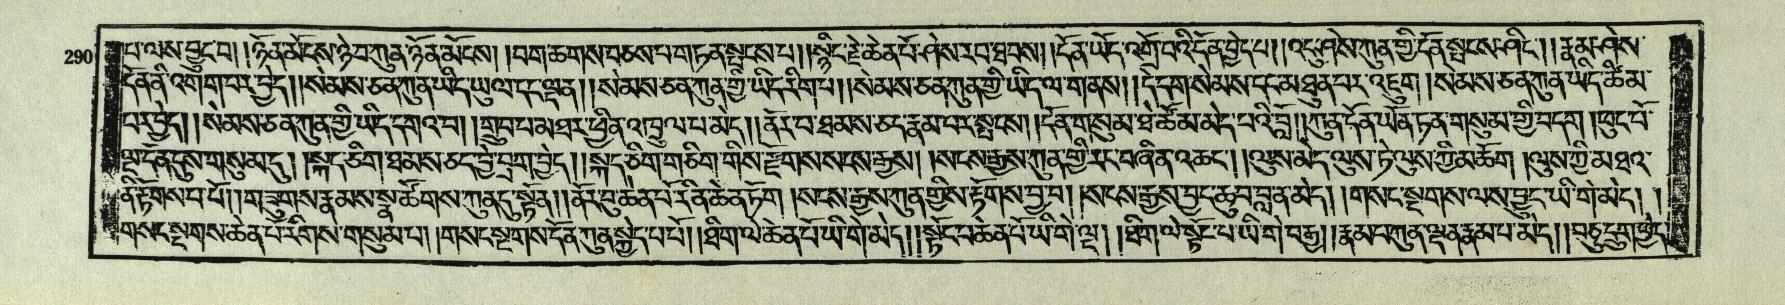པ་ལས་བྱུང་བ། །ཉོན་མོངས་ཉེ་བ་ཀུན་ཉོན་མོངས། །བག་ཆགས་བཅས་པ་གཏན་སྤངས་པ། །སྙིང་རྗེ་ཆེན་པོ་ཤེས་རབ་ཐབས། །དོན་ཡོད་འགྲོ་བའི་དོན་བྱེད་པ། །འདུ་ཤེས་ཀུན་གྱི་དོན་སྤངས་ཤིང་། །རྣམ་ཤེས་
དོན་ནི་འགག་པར་བྱེད། །སེམས་ཅན་ཀུན་ཡིད་ཡུལ་དང་ལྡན། །སེམས་ཅན་ཀུན་གྱི་ཡིད་རིག་པ། །སེམས་ཅན་ཀུན་གྱི་ཡིད་ལ་གནས། །དེ་དག་སེམས་དང་མཐུན་པར་འཇུག །སེམས་ཅན་ཀུན་ཡིད་ཚིམ་
པར་བྱེད། །སེམས་ཅན་ཀུན་གྱི་ཡིད་དགའ་བ། །གྲུབ་པ་མཐར་ཕྱིན་འཁྲུལ་པ་མེད། །ནོར་བ་ཐམས་ཅད་རྣམ་པར་སྤངས། །དོན་གསུམ་ཐེ་ཚོམ་མེད་པའི་བློ། །ཀུན་དོན་ཡོན་ཏན་གསུམ་གྱི་བདག །ཕུང་པོ་
ལྔ་དོན་དུས་གསུམ་དུ། །སྐད་ཅིག་ཐམས་ཅད་བྱེ་བྲག་བྱེད། །སྐད་ཅིག་གཅིག་གིས་རྫོགས་སངས་རྒྱས། །སངས་རྒྱས་ཀུན་གྱི་རང་བཞིན་འཆང་། །ལུས་མེད་ལུས་ཏེ་ལུས་ཀྱི་མཆོག །ལུས་ཀྱི་མཐའ་
ནི་རྟོགས་པ་པོ། །གཟུགས་རྣམས་སྣ་ཚོགས་ཀུན་དུ་སྟོན། །ནོར་བུ་ཆེན་པོ་རིན་ཆེན་ཏོག །སངས་རྒྱས་ཀུན་གྱིས་རྟོགས་བྱ་བ། །སངས་རྒྱས་བྱང་ཆུབ་བླ་ན་མེད། །གསང་སྔགས་ལས་བྱུང་ཡི་གེ་མེད། །
གསང་སྔགས་ཆེན་པོ་རིགས་གསུམ་པ། །གསང་སྔགས་དོན་ཀུན་སྐྱེད་པ་པོ། །ཐིག་ལེ་ཆེན་པོ་ཡི་གེ་མེད། །སྟོང་པ་ཆེན་པོ་ཡི་གེ་ལྔ། །ཐིག་ལེ་སྟོང་པ་ཡི་གེ་བརྒྱ། །རྣམ་པ་ཀུན་ལྡན་རྣམ་པ་མེད། །བཅུ་དྲུག་ཕྱེད་